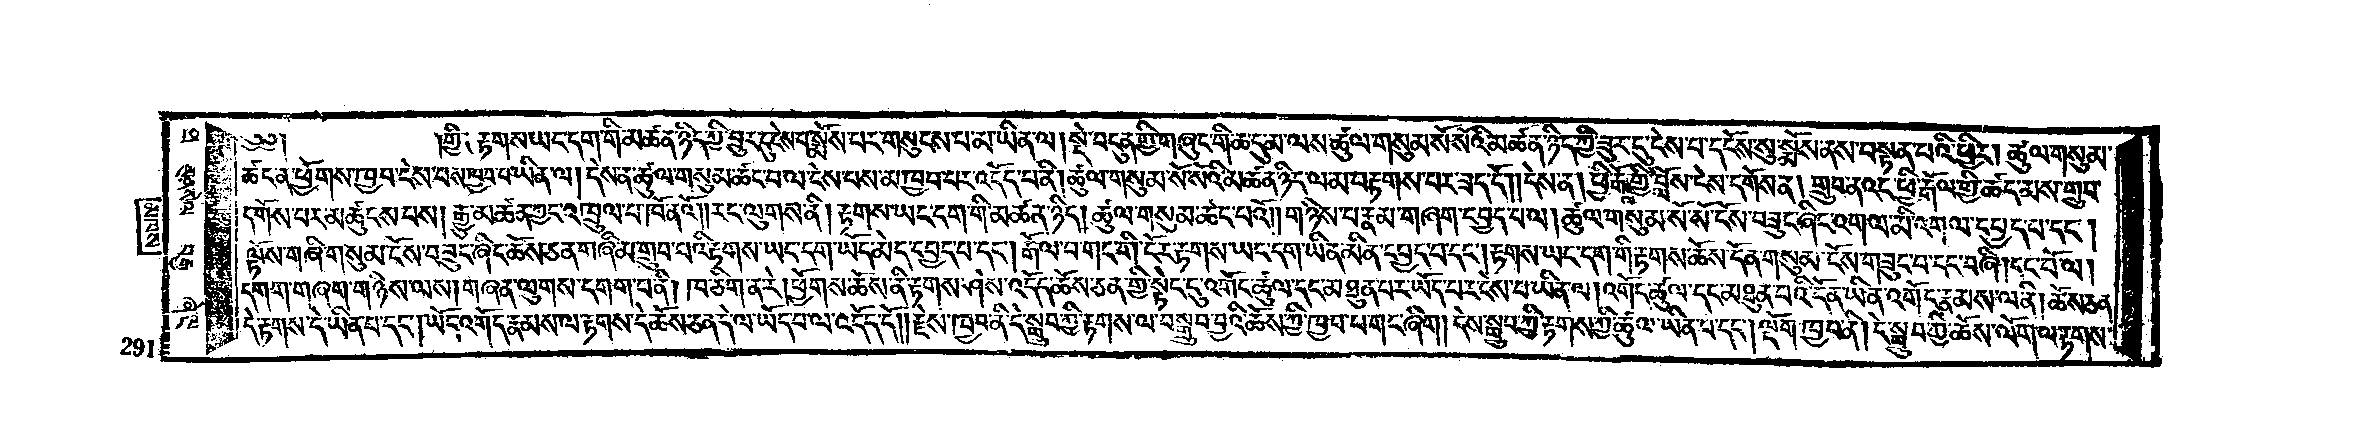༄༅། །གྱི། རྟགས་ཡང་དག་གི་མཚན་ཉིད་ཀྱི་ཟུར་དུ་ངེས་པ་སྨོས་པར་གསུངས་པ་མ་ཡིན་ལ། སྡེ་བདུན་གྱི་གཞུང་གི་ཆ་དུ་མ་ལས་ཚུལ་གསུམ་སོ་སོའི་མཚན་ཉིད་ཀྱི་ཟུར་དུ་ངེས་པ་དངོས་སུ་སྨོས་ནས་བསྟན་པའི་ཕྱིར། ཚུལ་གསུམ་
ཚང་ན་ཕྱོགས་ཁྱབ་ངེས་པས་ཁྱབ་པ་ཡིན་ལ། དེས་ན་ཚུལ་གསུམ་ཚང་བ་ལ་ངེས་པས་མ་ཁྱབ་པར་འདོད་པ་ནི། ཚུལ་གསུམ་སོ་སོའི་མཚན་ཉིད་ལ་མ་བརྟགས་པར་ཟད་དོ། །དེས་ན། ཕྱི་རྒོལ་གྱི་བློས་ངེས་དགོས་ན། གྲུབ་ནའང་ཕྱི་རྒོལ་གྱི་ཚད་མས་གྲུབ་
དགོས་པར་མཚུངས་པས། རྒྱུ་མཚན་ཀྱང་འཁྲུལ་པ་ཁོ་ནའོ། །རང་ལུགས་ནི། རྟགས་ཡང་དག་གི་མཚན་ཉིད། ཚུལ་གསུམ་ཚང་པའོ། །གཉིས་པ་རྣམ་གཞག་དཔྱད་པ་ལ། ཚུལ་གསུམ་སོ་སོ་ངོས་བཟུང་ཞིང་འགལ་མི་འགལ་དཔྱད་པ་དང་།
ལྟོས་གཞི་གསུམ་ངོས་བཟུང་ཞིང་ཆོས་ཅན་གཞི་མ་གྲུབ་པའི་རྟགས་ཡང་དག་ཡོད་མེད་དཔྱད་པ་དང་། རྒོལ་བ་གང་གི་ངོར་རྟགས་ཡང་དག་ཡིན་མིན་དཔྱད་པ་དང་། རྟགས་ཡང་དག་གི་རྟགས་ཆོས་དོན་གསུམ་ངོས་གཟུང་བ་དང་བཞི། དང་པོ་ལ།
དགག་གཞག་གཉིས་ལས། གཞན་ལུགས་དགག་པ་ནི། ཁ་ཅིག་ན་རེ། ཕྱོགས་ཆོས་ནི་རྟགས་ཤེས་འདོད་ཆོས་ཅན་གྱི་སྟེང་དུ་འགོང་ཚུལ་དང་མཐུན་པར་ཡོད་པར་ངེས་པ་ཡིན་ལ། འགོད་ཚུལ་དང་མཐུན་པའི་དོན་ཡིན་འགོད་རྣམས་ལ་ནི། ཆོས་ཅན་
དེ་རྟགས་དེ་ཡིན་པ་དང་། ཡོད་འགོད་རྣམས་ལ་རྟགས་དེ་ཆོས་ཅན་དེ་ལ་ཡོད་པ་ལ་འདོད་དོ། །རྗེས་ཁྱབ་ནི་དེ་སྒྲུབ་ཀྱི་རྟགས་ལ་བསྒྲུབ་བྱའི་ཆོས་ཀྱི་ཁྱབ་པ་གང་ཞིག། དེས་སྒྲུབ་ཀྱི་རྟགས་ཀྱི་ཚུལ་ཡིན་པ་དང་། ལྡོག་ཁྱབ་ནི། དེ་སྒྲུབ་ཀྱི་ཆོས་ལོག་པ་རྟགས་